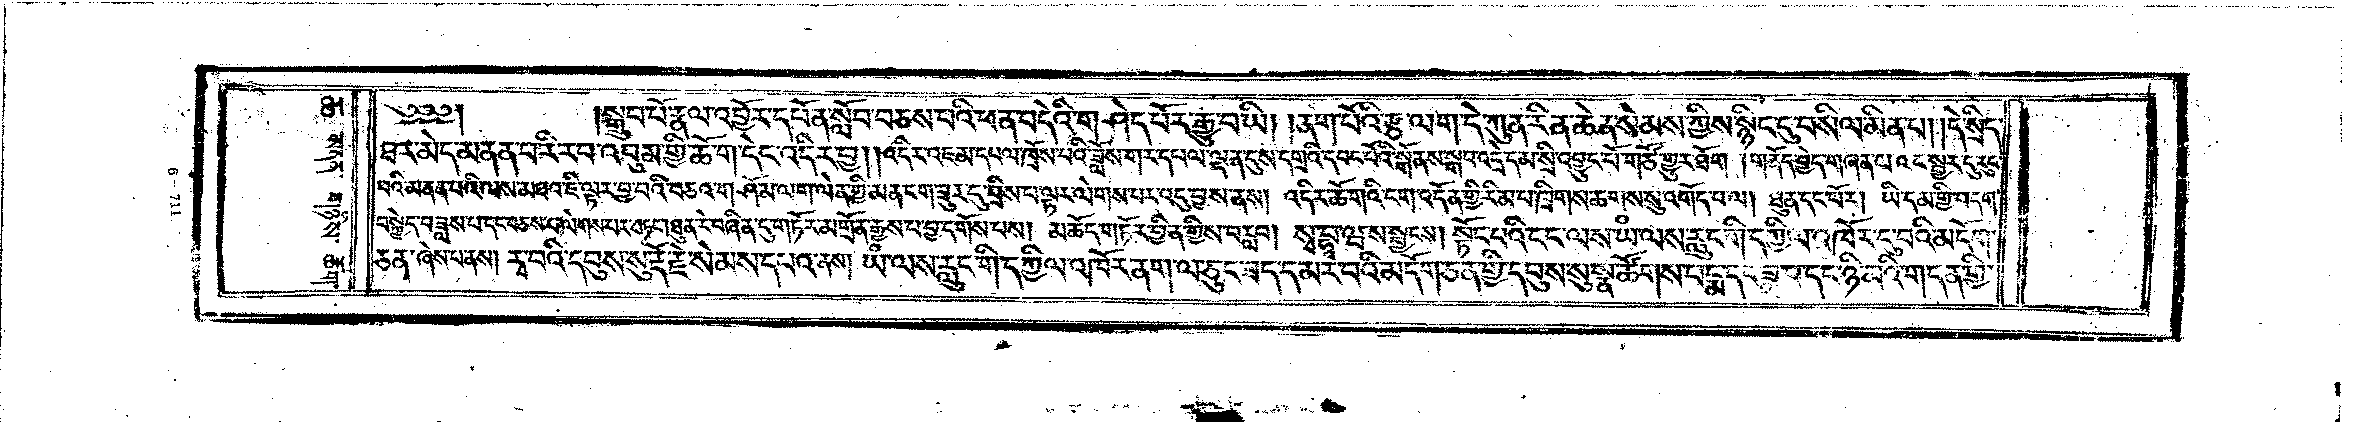༄༅༅། །སྒྲུབ་པོ་རྣལ་འབྱོར་དཔོན་སློབ་བཅས་པའི་ཕན་བདེའི་གཤེད་པོར་རྒྱུ་བ་ཡི། །ནག་པོའི་རྩ་ལག་དེ་ཀུན་རིན་ཆེན་སེམས་ཀྱིས་སྙིང་དུ་བསིལ་མིན་པ། །དེ་སྲིད་
ཐར་མེད་མནན་པ་རི་རབ་འབུམ་གྱི་ཆོ་ག་དེང་འདིར་བྱ། །འདིར་འཇམ་དཔལ་ཁྲོས་པའི་ཟློས་གར་དཔལ་ལྡན་དུས་དགྲའི་དབང་པོའི་སྒོ་ནས་སྒབ་འདྲེ་དམ་སྲི་འབྱུང་པོ་གཙོ་གྱུར་ཐོག །གནོད་བྱེད་གཞན་ལའང་སྦྱར་དུ་རུང་
བའི་མནན་པའི་ལས་མཐའ་ཇི་ལྟར་བྱ་བའི་བཅའ་གཤོམ་ལག་ལེན་གྱི་མན་ངག་ཟུར་དུ་བྲིས་པ་ལྟར་ལེགས་པར་འདུ་བྱས་ནས། འདིར་ཆོ་གའི་ངག་འདོན་གྱི་རིམ་པ་ཁྲིགས་ཆགས་སུ་འགོད་པ་ལ། ཐུན་དང་པོར། ཡི་དམ་གྱི་བདག་
བསྐྱེད་བཟླས་པ་དང་བཅས་པ་ལེགས་པར་བཏང་། ཐུན་རེ་བཞིན་དུ་གཏོར་མགྲོན་རྒྱས་པ་བྱ་དགོས་པས། མཆོད་གཏོར་བྱིན་གྱིས་བརླབ། སྭ་བྷཱ་ཝས་སྦྱངས། སྟོང་པའི་ངང་ལས་ཡཾ་ལས་རླུང་གི་དཀྱིལ་འཁོར་དུ་བའི་མདོག་
ཅན་ཞེས་པ་ནས།  རྭ་བའི་དབུས་སུ་རྡོ་རྗེ་སེམས་དཔའ་ནས།  ཡཾ་ལས་རླུང་གི་དཀྱིལ་འཁོར་ནག་ལ་ཅུང་ཟད་དམར་བའི་མདོག་ཅན་གྱི་དབུས་སུ་སྣ་ཚོགས་པདམ་དང་ཟླ་བ་དང་ཉི་མའི་གདན་གྱི་